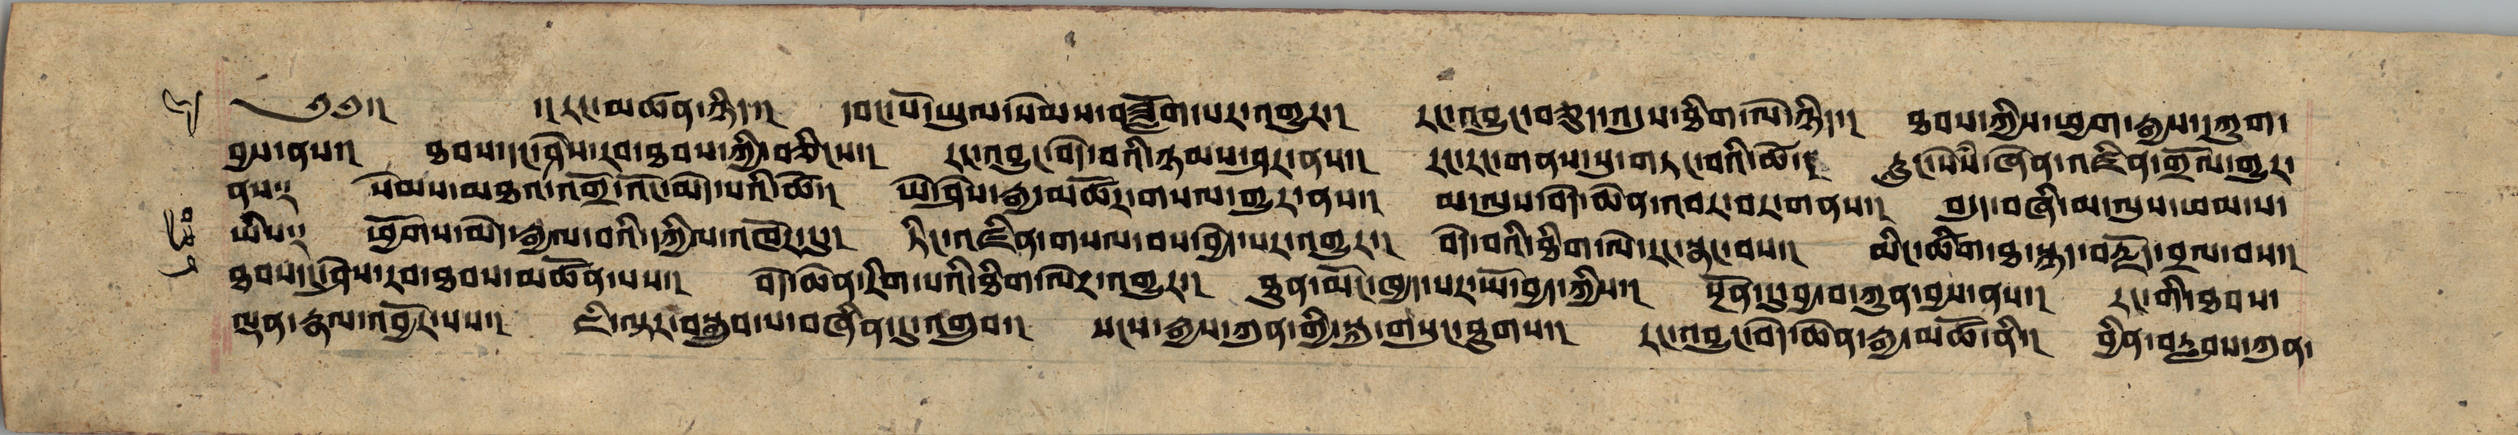༄༅་། ་།རང་མཚན་ཉིད་། དབང་པོ་ཡུལ་སེམས་བཟློག་པར་འགྱུར་། རང་འབྱུང་བཅུད་འདུས་ཐིག་ལེ་ཉིད་། ཐབས་ཀྱིས་ཕྱག་རྒྱས་དཀྱུག་
བྱས་ནས་། ཐབས་དང་ཤེས་རབ་ཐབས་ཀྱི་བཅིངས་། རང་འབྱུང་བདེ་བའི་ཉམས་ཤར་ནས་། རང་རང་གནས་སུ་གཏང་བའི་ཚེ་། རླུང་སེཾས་ཞེན་འཛིན་གྲོལ་གྱུར་
ནས༑ སེམས་མཐའ་འགྲོ་འོང་མེད་པའི་ཚེ་། ཡེ་ཤེས་རྒྱ་མཚོར་གསལ་གྱུར་ནས་། མ་ལུས་བདེ་ཆེན་འབར་བར་གནས་། བདུད་བཞི་མ་ལུས་ཕམ་པ་
ཡིས༑ ཕྱོགས་མེད་རྒྱལ་བའི་དཀྱིལ་འཁོར་དུ་། ཏིང་འཛིན་གསལ་བས་བྱེད་པར་འགྱུར་། བདེ་བའི་ཐིག་ལེ་རང་སྣང་བས་། མིང་ཚིག་ཐ་སྙད་བརྗོད་བྲལ་བས་།
ཐབས་དང་ཤེས་རབ་ཐབས་མཚོན་པས་། བདེ་ཆེན་རིག་པའི་ཐིག་ལེར་འགྱུར་། ཐུན་མོང་ཁྱད་པར་ཡོ་བྱད་ཀྱིས་། སྔོན་དུ་བྱ་བ་ཀུན་བྱས་ནས་། རང་གི་ཐབས་
ལྡན་རྣམ་འབྱོར་པས་། ཇི་ལྟར་བསྒྲུབ་པ་བཞིན་དུ་འགྲུབ་། སངས་རྒྱས་ཀུན་གྱི་སྐུ་གསུང་ཐུགས་། རང་འབྱུང་བདེ་ཆེན་རྒྱ་མཚོ་ནི་། བྱིན་བརླབས་ཀུན་